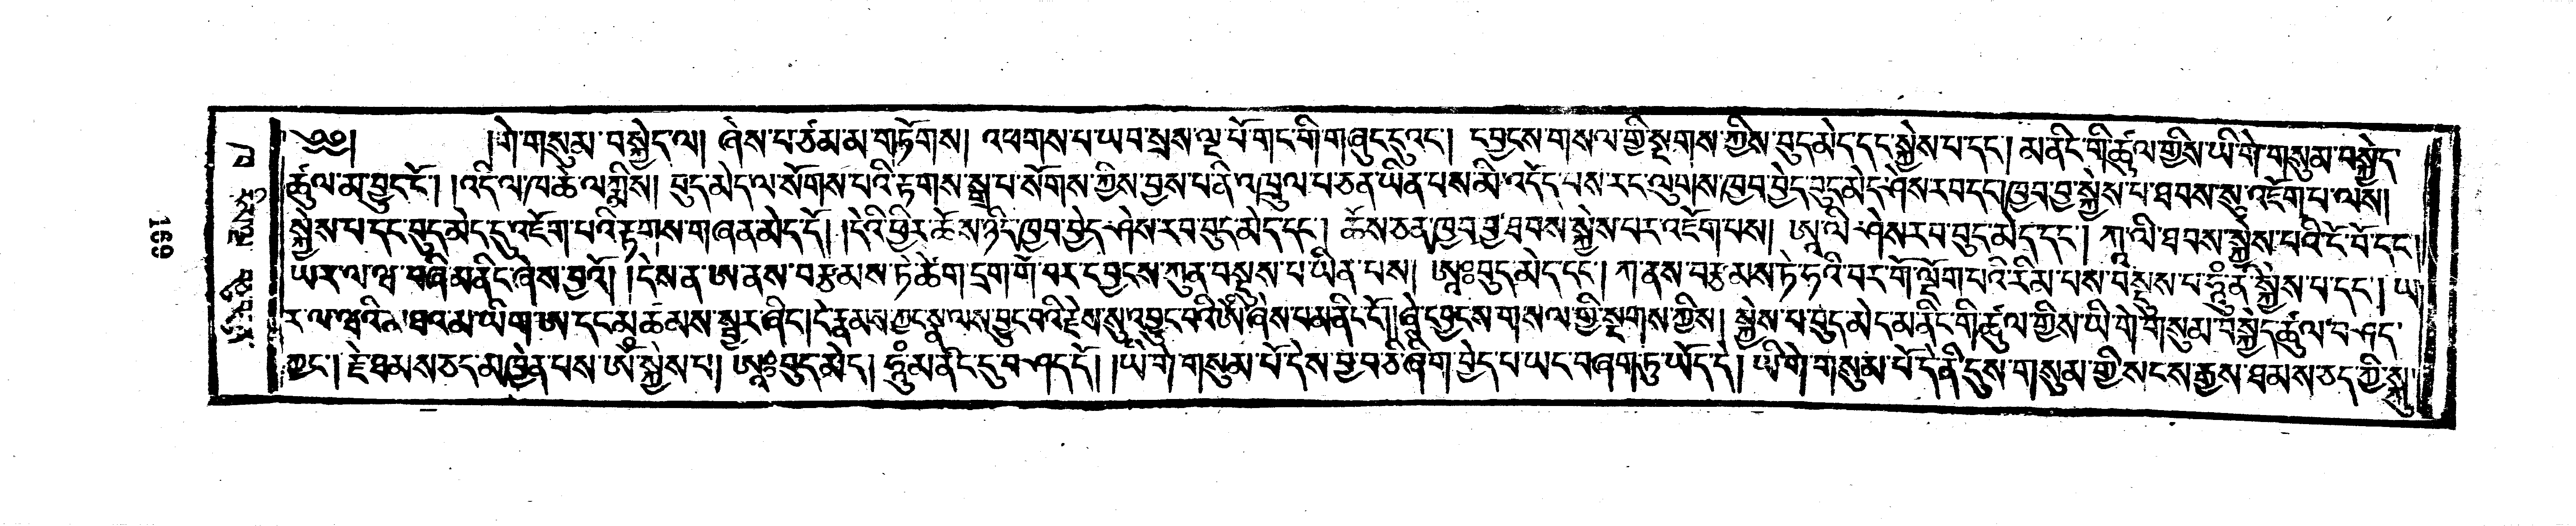༄༅། །གེ་གསུམ་བསྐྱེད་ལ། ཞེས་པ་ཙམ་མ་གཏོགས། འཕགས་པ་ཡབ་སྲས་ལྔ་པོ་གང་གི་གཞུང་དུའང་། དབྱངས་གསལ་གྱི་སྔགས་ཀྱིས་བུད་མེད་དང་སྐྱེས་པ་དང་། མ་ནིང་གི་ཚུལ་གྱིས་ཡི་གེ་གསུམ་བསྐྱེད་
ཚུལ་མ་བྱུང་ངོ། །འདི་ལ་ཁ་ཆེ་ལཀྨིས། བུད་མེད་ལ་སོགས་པའི་རྟགས་སྒྲ་པ་སོགས་ཀྱིས་བྱས་པ་ནི་འཁྲུལ་པ་ཅན་ཡིན་པས་མི་འདོད་པས་རང་ལུགས་ཁྱབ་བྱེད་བུད་མེད་ཤེས་རབ་དང་། ཁྱབ་བྱ་སྐྱེས་པ་ཐབས་སུ་འཇོག་པ་ལས།
སྐྱེས་པ་དང་བུད་མེད་དུ་འཇོག་པའི་རྟགས་གཞན་མེད་དོ། །དེའི་ཕྱིར་ཆོས་ཉིད་ཁྱབ་བྱེད་ཤེས་རབ་བུད་མེད་དང་། ཆོས་ཅན་ཁྱབ་བྱ་ཐབས་སྐྱེས་པར་འཇོག་པས། ཨཱ་ལི་ཤེས་རབ་བུད་མེད་དང་། ཀཱ་ལི་ཐབས་སྐྱེས་པའི་ངོ་བོ་དང་།
ཡ་ར་ལ་ཝ་བཞི་མ་ནིང་ཞེས་བྱའོ། །དེས་ན་ཨ་ནས་བརྩམས་ཏེ་ཚེག་དྲག་གོ་བར་དབྱངས་ཀུན་བསྡུས་པ་ཡིན་པས། ཨཱཿ བུད་མེད་དང་། ཀ་ནས་བརྩམས་ཏེ་ཧའི་བར་གོ་ལྡོག་པའི་རིམ་པས་བསྡུས་པ་ཧཱུཾ་ནི་སྐྱེས་པ་དང་། ཡ་
ར་ལ་ཝའི་མཐའ་མ་ཡིག་ཨ་དང་མཚམས་སྦྱར་ཞིང་། དེ་རྣམས་ཀྱང་སྣ་ལས་བྱུང་བའི་རྗེས་སུ་འབྱུང་བའི་ཨོཾ་ཞེས་པ་མ་ནིང་ངོ། །ཞེ་དབྱངས་གསལ་གྱི་སྔགས་ཀྱིས། སྐྱེས་པ་བུད་མེད་མ་ནིང་གི་ཚུལ་གྱིས་ཡི་གེ་གསུམ་བསྐྱེད་ཚུལ་བཤད་
ཀྱང་། རྗེ་ཐམས་ཅད་མཁྱེན་པས་ཨོཾ་སྐྱེས་པ། ཨཱཿ བུད་མེད། ཧཱུཾ་མ་ནིང་དུ་བཤད་དོ། །ཡི་གེ་གསུམ་པོ་དེས་བྱ་བ་ཅི་ཞིག་བྱེད་པ་ཡང་བཞག་ཏུ་ཡོད་དེ། ཡི་གེ་གསུམ་པོ་དེ་ནི་དུས་གསུམ་གྱི་སངས་རྒྱས་ཐམས་ཅད་ཀྱི་སྐུ་